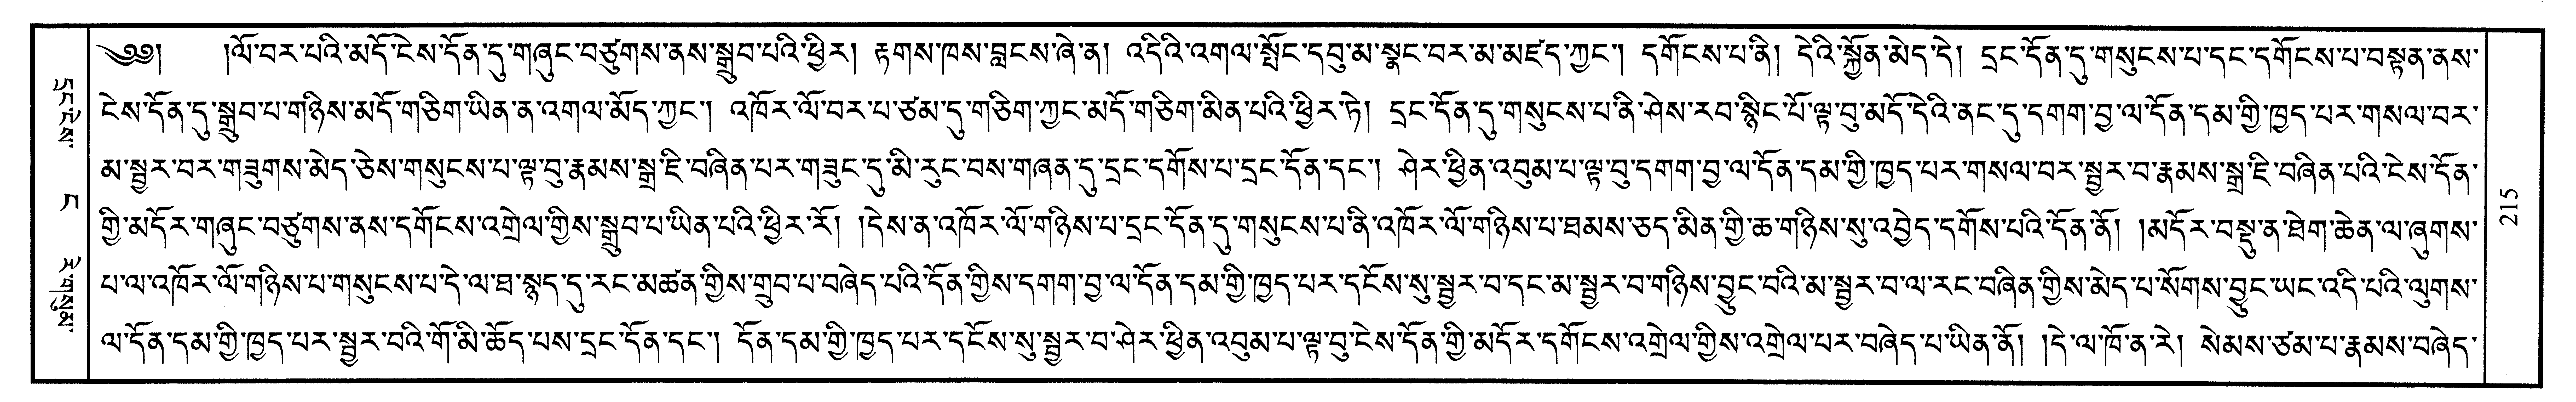༄༅། །ལོ་བར་པའི་མདོ་ངེས་དོན་དུ་གཞུང་བཙུགས་ནས་སྒྲུབ་པའི་ཕྱིར། རྟགས་ཁས་བླངས་ཞེ་ན། འདིའི་འགལ་སྤོང་དབུ་མ་སྣང་བར་མ་མཛད་ཀྱང་། དགོངས་པ་ནི། དེའི་སྐྱོན་མེད་དེ། དྲང་དོན་དུ་གསུངས་པ་དང་དགོངས་པ་བསྟན་ནས་
ངེས་དོན་དུ་སྒྲུབ་པ་གཉིས་མདོ་གཅིག་ཡིན་ན་འགལ་མོད་ཀྱང་། འཁོར་ལོ་བར་པ་ཙམ་དུ་གཅིག་ཀྱང་མདོ་གཅིག་མིན་པའི་ཕྱིར་ཏེ། དྲང་དོན་དུ་གསུངས་པ་ནི་ཤེས་རབ་སྙིང་པོ་ལྟ་བུ་མདོ་དེའི་ནང་དུ་དགག་བྱ་ལ་དོན་དམ་གྱི་ཁྱད་པར་གསལ་བར་
མ་སྦྱར་བར་གཟུགས་མེད་ཅེས་གསུངས་པ་ལྟ་བུ་རྣམས་སྒྲ་ཇི་བཞིན་པར་གཟུང་དུ་མི་རུང་བས་གཞན་དུ་དྲང་དགོས་པ་དྲང་དོན་དང་། ཤེར་ཕྱིན་འབུམ་པ་ལྟ་བུ་དགག་བྱ་ལ་དོན་དམ་གྱི་ཁྱད་པར་གསལ་བར་སྦྱར་བ་རྣམས་སྒྲ་ཇི་བཞིན་པའི་ངེས་དོན་
གྱི་མདོར་གཞུང་བཙུགས་ནས་དགོངས་འགྲེལ་གྱིས་སྒྲུབ་པ་ཡིན་པའི་ཕྱིར་རོ། །དེས་ན་འཁོར་ལོ་གཉིས་པ་དྲང་དོན་དུ་གསུངས་པ་ནི་འཁོར་ལོ་གཉིས་པ་ཐམས་ཅད་མིན་གྱི་ཆ་གཉིས་སུ་འབྱེད་དགོས་པའི་དོན་ནོ། །མདོར་བསྡུ་ན་ཐེག་ཆེན་ལ་ཞུགས་
པ་ལ་འཁོར་ལོ་གཉིས་པ་གསུངས་པ་དེ་ལ་ཐ་སྙད་དུ་རང་མཚན་གྱིས་གྲུབ་པ་བཞེད་པའི་དོན་གྱིས་དགག་བྱ་ལ་དོན་དམ་གྱི་ཁྱད་པར་དངོས་སུ་སྦྱར་བ་དང་མ་སྦྱར་བ་གཉིས་བྱུང་བའི་མ་སྦྱར་བ་ལ་རང་བཞིན་གྱིས་མེད་པ་སོགས་བྱུང་ཡང་འདི་པའི་ལུགས་
ལ་དོན་དམ་གྱི་ཁྱད་པར་སྦྱར་བའི་གོ་མི་ཆོད་པས་དྲང་དོན་དང་། དོན་དམ་གྱི་ཁྱད་པར་དངོས་སུ་སྦྱར་བ་ཤེར་ཕྱིན་འབུམ་པ་ལྟ་བུ་ངེས་དོན་གྱི་མདོར་དགོངས་འགྲེལ་གྱིས་འགྲེལ་པར་བཞེད་པ་ཡིན་ནོ། །དེ་ལ་ཁོ་ན་རེ། སེམས་ཙམ་པ་རྣམས་བཞེད་